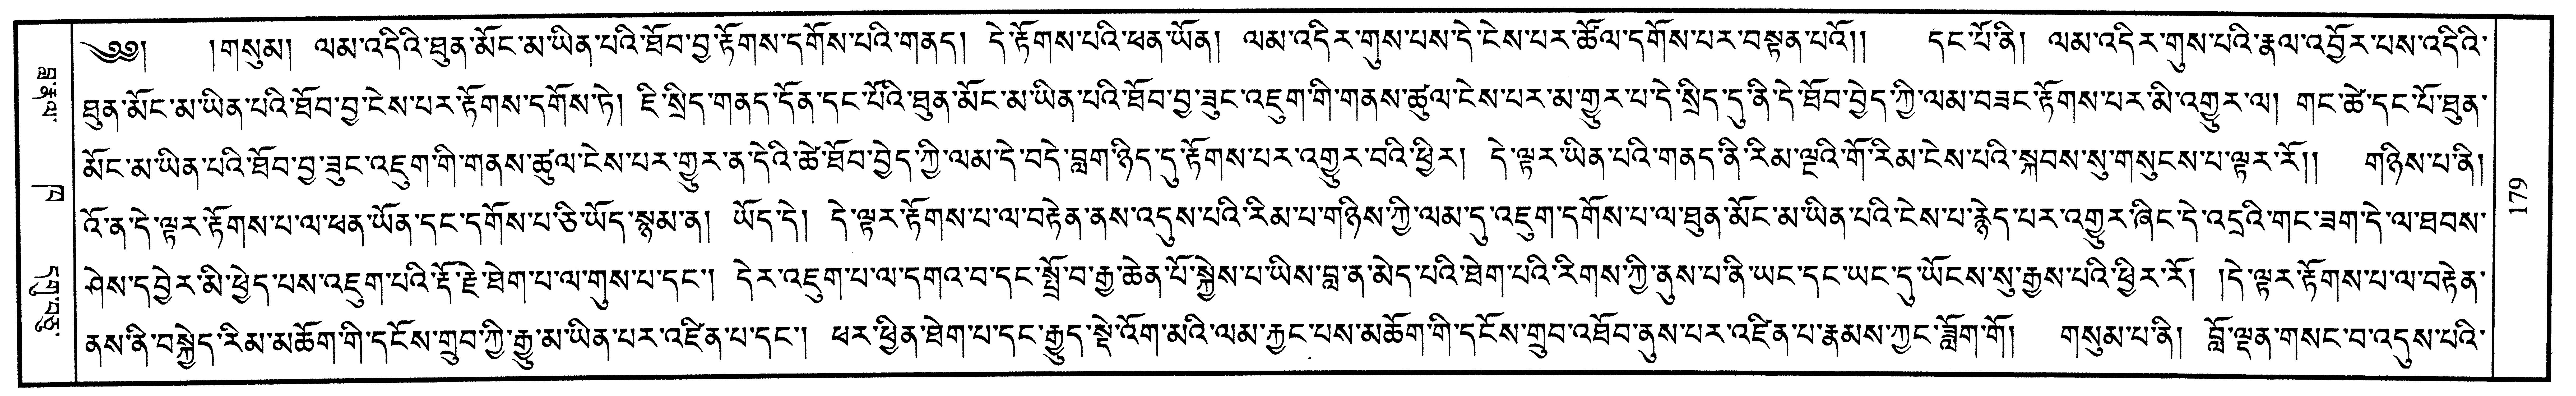༄༅། །གསུམ། ལམ་འདིའི་ཐུན་མོང་མ་ཡིན་པའི་ཐོབ་བྱ་རྟོགས་དགོས་པའི་གནད། དེ་རྟོགས་པའི་ཕན་ཡོན། ལམ་འདིར་གུས་པས་དེ་ངེས་པར་ཚོལ་དགོས་པར་བསྟན་པའོ། དང་པོ་ནི། ལམ་འདིར་གུས་པའི་རྣལ་འབྱོར་པས་འདིའི་
ཐུན་མོང་མ་ཡིན་པའི་ཐོབ་བྱ་ངེས་པར་རྟོགས་དགོས་ཏེ། ཇི་སྲིད་གནད་དོན་དང་པོའི་ཐུན་མོང་མ་ཡིན་པའི་ཐོབ་བྱ་ཟུང་འཇུག་གི་གནས་ཚུལ་ངེས་པར་མ་གྱུར་པ་དེ་སྲིད་དུ་ནི་དེ་ཐོབ་བྱེད་ཀྱི་ལམ་བཟང་རྟོགས་པར་མི་འགྱུར་ལ། གང་ཚེ་དང་པོ་ཐུན་
མོང་མ་ཡིན་པའི་ཐོབ་བྱ་ཟུང་འཇུག་གི་གནས་ཚུལ་ངེས་པར་གྱུར་ན་དེའི་ཚེ་ཐོབ་བྱེད་ཀྱི་ལམ་དེ་བདེ་བླག་ཉིད་དུ་རྟོགས་པར་འགྱུར་བའི་ཕྱིར། དེ་ལྟར་ཡིན་པའི་གནད་ནི་རིམ་ལྔའི་གོ་རིམ་ངེས་པའི་སྐབས་སུ་གསུངས་པ་ལྟར་རོ། །གཉིས་པ་ནི།
འོ་ན་དེ་ལྟར་རྟོགས་པ་ལ་ཕན་ཡོན་དང་དགོས་པ་ཅི་ཡོད་སྙམ་ན། ཡོད་དེ། དེ་ལྟར་རྟོགས་པ་ལ་བརྟེན་ནས་འདུས་པའི་རིམ་པ་གཉིས་ཀྱི་ལམ་དུ་འཇུག་དགོས་པ་ལ་ཐུན་མོང་མ་ཡིན་པའི་ངེས་པ་རྙེད་པར་འགྱུར་ཞིང་དེ་འདྲའི་གང་ཟག་དེ་ལ་ཐབས་
ཤེས་དབྱེར་མི་ཕྱེད་པས་འཇུག་པའི་རྡོ་རྗེ་ཐེག་པ་ལ་གུས་པ་དང་། དེར་འཇུག་པ་ལ་དགའ་བ་དང་སྤྲོ་བ་རྒྱ་ཆེན་པོ་སྐྱེས་པ་ཡིས་བླ་ན་མེད་པའི་ཐེག་པའི་རིགས་ཀྱི་ནུས་པ་ནི་ཡང་དང་ཡང་དུ་ཡོངས་སུ་རྒྱས་པའི་ཕྱིར་རོ། །དེ་ལྟར་རྟོགས་པ་ལ་བརྟེན་
ནས་ནི་བསྐྱེད་རིམ་མཆོག་གི་དངོས་གྲུབ་ཀྱི་རྒྱུ་མ་ཡིན་པར་འཛིན་པ་དང་། ཕར་ཕྱིན་ཐེག་པ་དང་རྒྱུད་སྡེ་འོག་མའི་ལམ་རྐྱང་པས་མཆོག་གི་དངོས་གྲུབ་འཐོབ་ནུས་པར་འཛིན་པ་རྣམས་ཀྱང་ཟློག་གོ །གསུམ་པ་ནི། བློ་ལྡན་གསང་བ་འདུས་པའི་